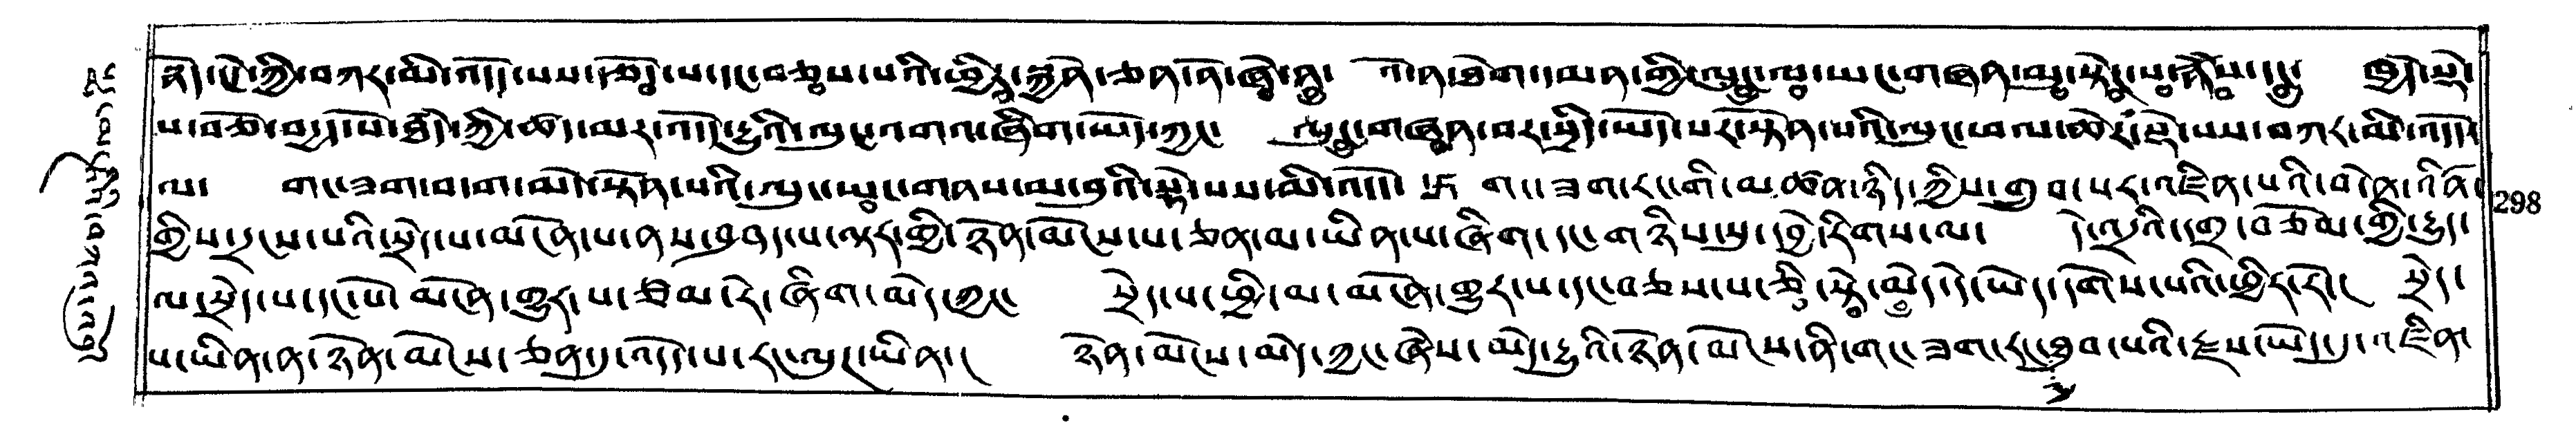སྣོད་ངེད་ཀྱི་བཀར་མི་འདོད་པས་རྩོད་པ་དང་བཅས་པའི་ཕྱིར་སྐྱོན་ཅན་ནོ་ཞེ་ན།འོ་ན་ཐེག་དམན་གྱི་ལུང་ལ་ཡང་གཞན་མུ་སྟེགས་པ་རྣམས་དང་། ཁྱེད་སྡེ་
པ་བཅོ་བརྒྱད་པོ་ཐམས་ཅད་ཀྱི་ཚད་མར་འདོད་རྒྱུའི་ལུང་འགའ་ཞིག་ཡོད་ཀྱང་། ལུང་གཞན་བར་སྲིད་ཡོད་པར་སྟོན་པའི་ལུང་ཕལ་ཆེར་སྡེ་པས་བཀར་མི་འདོད་
ལ། གང་ཟག་བདག་མེད་སྟོན་པའི་ལུང་ཡང་གནས་མ་བུའི་སྡེ་པས་མི་འདོད་